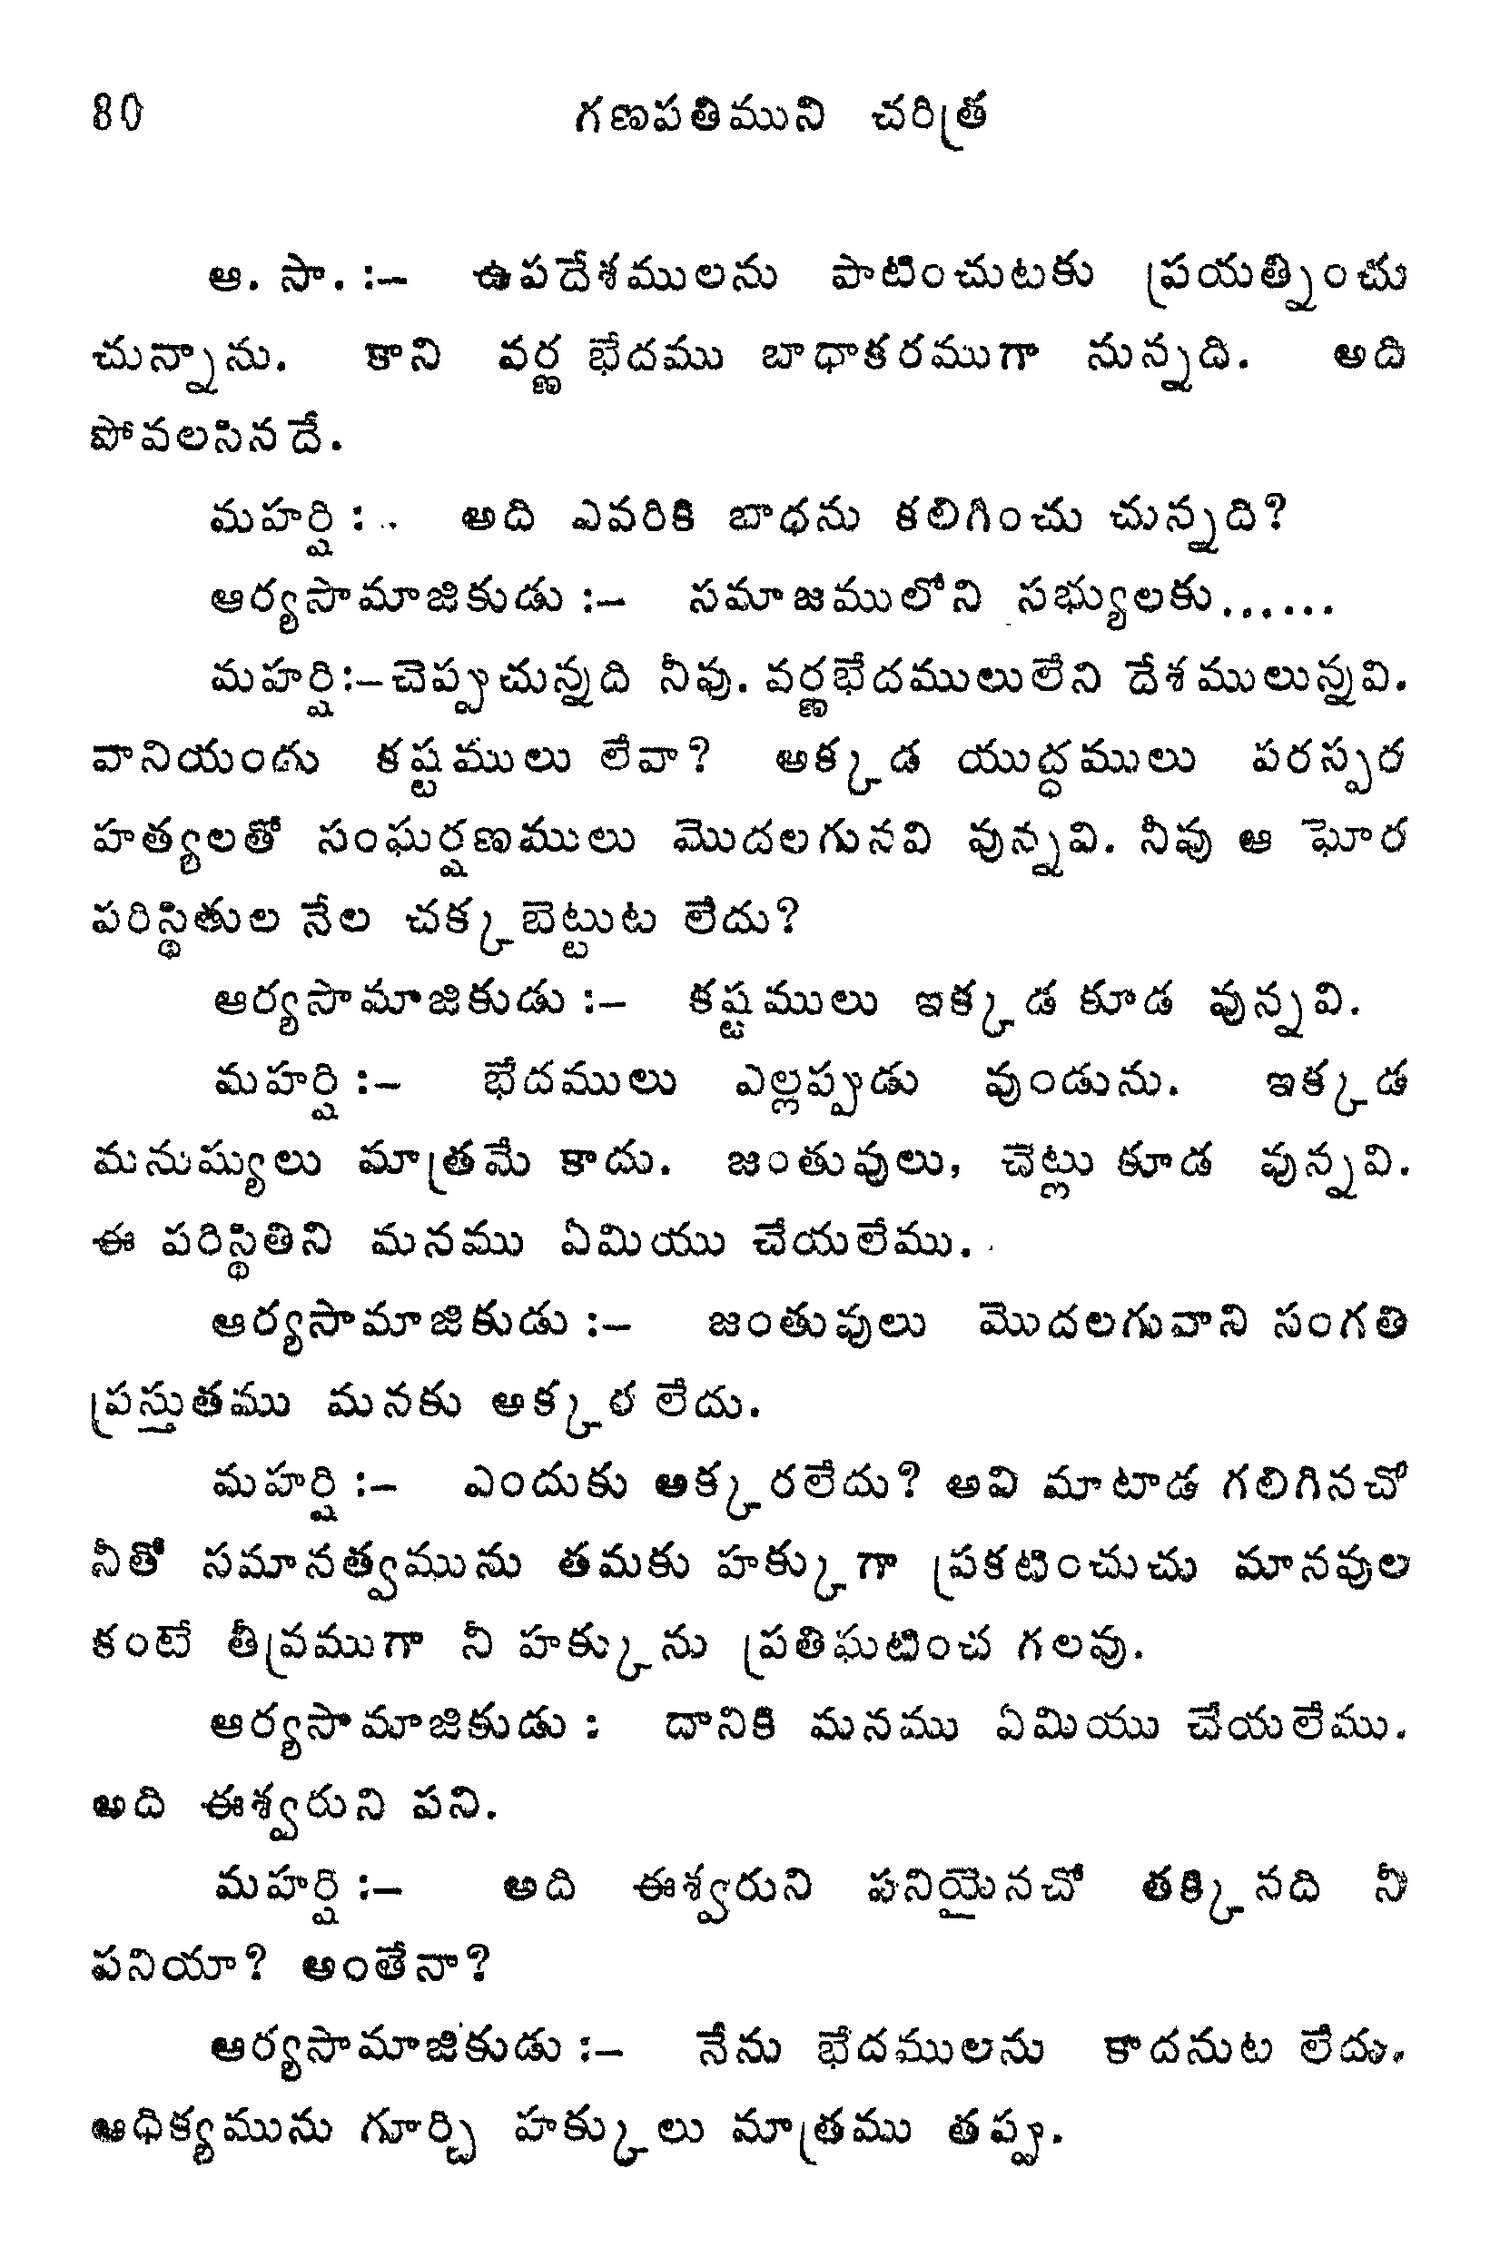ఆ.సా.:- ఉపదేశములను పాటించుటకు ప్రయత్నించు చున్నాను. కాని వర్ణ భేదము బాధకరముగా నున్నది. అది పోవలసినదే.

మహర్షి:- అది ఎవరికి బాధను కలిగించు చున్నది?

ఆర్యసామాజికుడు:- సమాజములోని సభ్యులకు......

మహర్షి:- చెప్పుచున్నది నీవు. వర్ణభేదములులేని దేశములున్నవి. వానియందు కష్టములు లేవా? అక్కడ యుద్ధములు పరస్పర హత్యలతో సంఘర్షణములు మొదలగునవి వున్నవి. నీవు ఆ ఘోర పరిస్థితుల నేల చక్కబెట్టుట లేదు?

ఆర్యసామాజికుడు:- కష్టములు ఇక్కడకూడ వున్నవి.

మహర్షి:- భేదములు ఎల్లప్పుడు వుండును. ఇక్కడ మనుష్యులు మాత్రమే కాదు. జంతువులు, చెట్లు కూడ వున్నవి. ఈ పరిస్థితిని మనము ఏమియు చేయలేము.

ఆర్యసామాజికుడు:- జంతువులు మొదలగువాని సంగతి ప్రస్తుతము మనకు అక్కర లేదు.

మహర్షి:- ఎందుకు అక్కరలేదు? అవి మాటాడ గలిగినచో నీతో సమానత్వమును తమకు హక్కుగా ప్రకటించుచు మానవుల కంటే తీవ్రముగా నీ హక్కును ప్రతిఘటించ గలవు.

ఆర్యసామాజికుడు:- దానికి మనము ఏమియు చేయలేము. అది ఈశ్వరుని పని.

మహర్షి:- అది ఈశ్వరుని పనియైనచో తక్కినది నీ పనియా? అంతేనా?

ఆర్యసామాజికుడు:- నేను భేదములను కాదనుట లేదు. ఆధిక్యమును గూర్చి హక్కులు మాత్రము తప్పు.